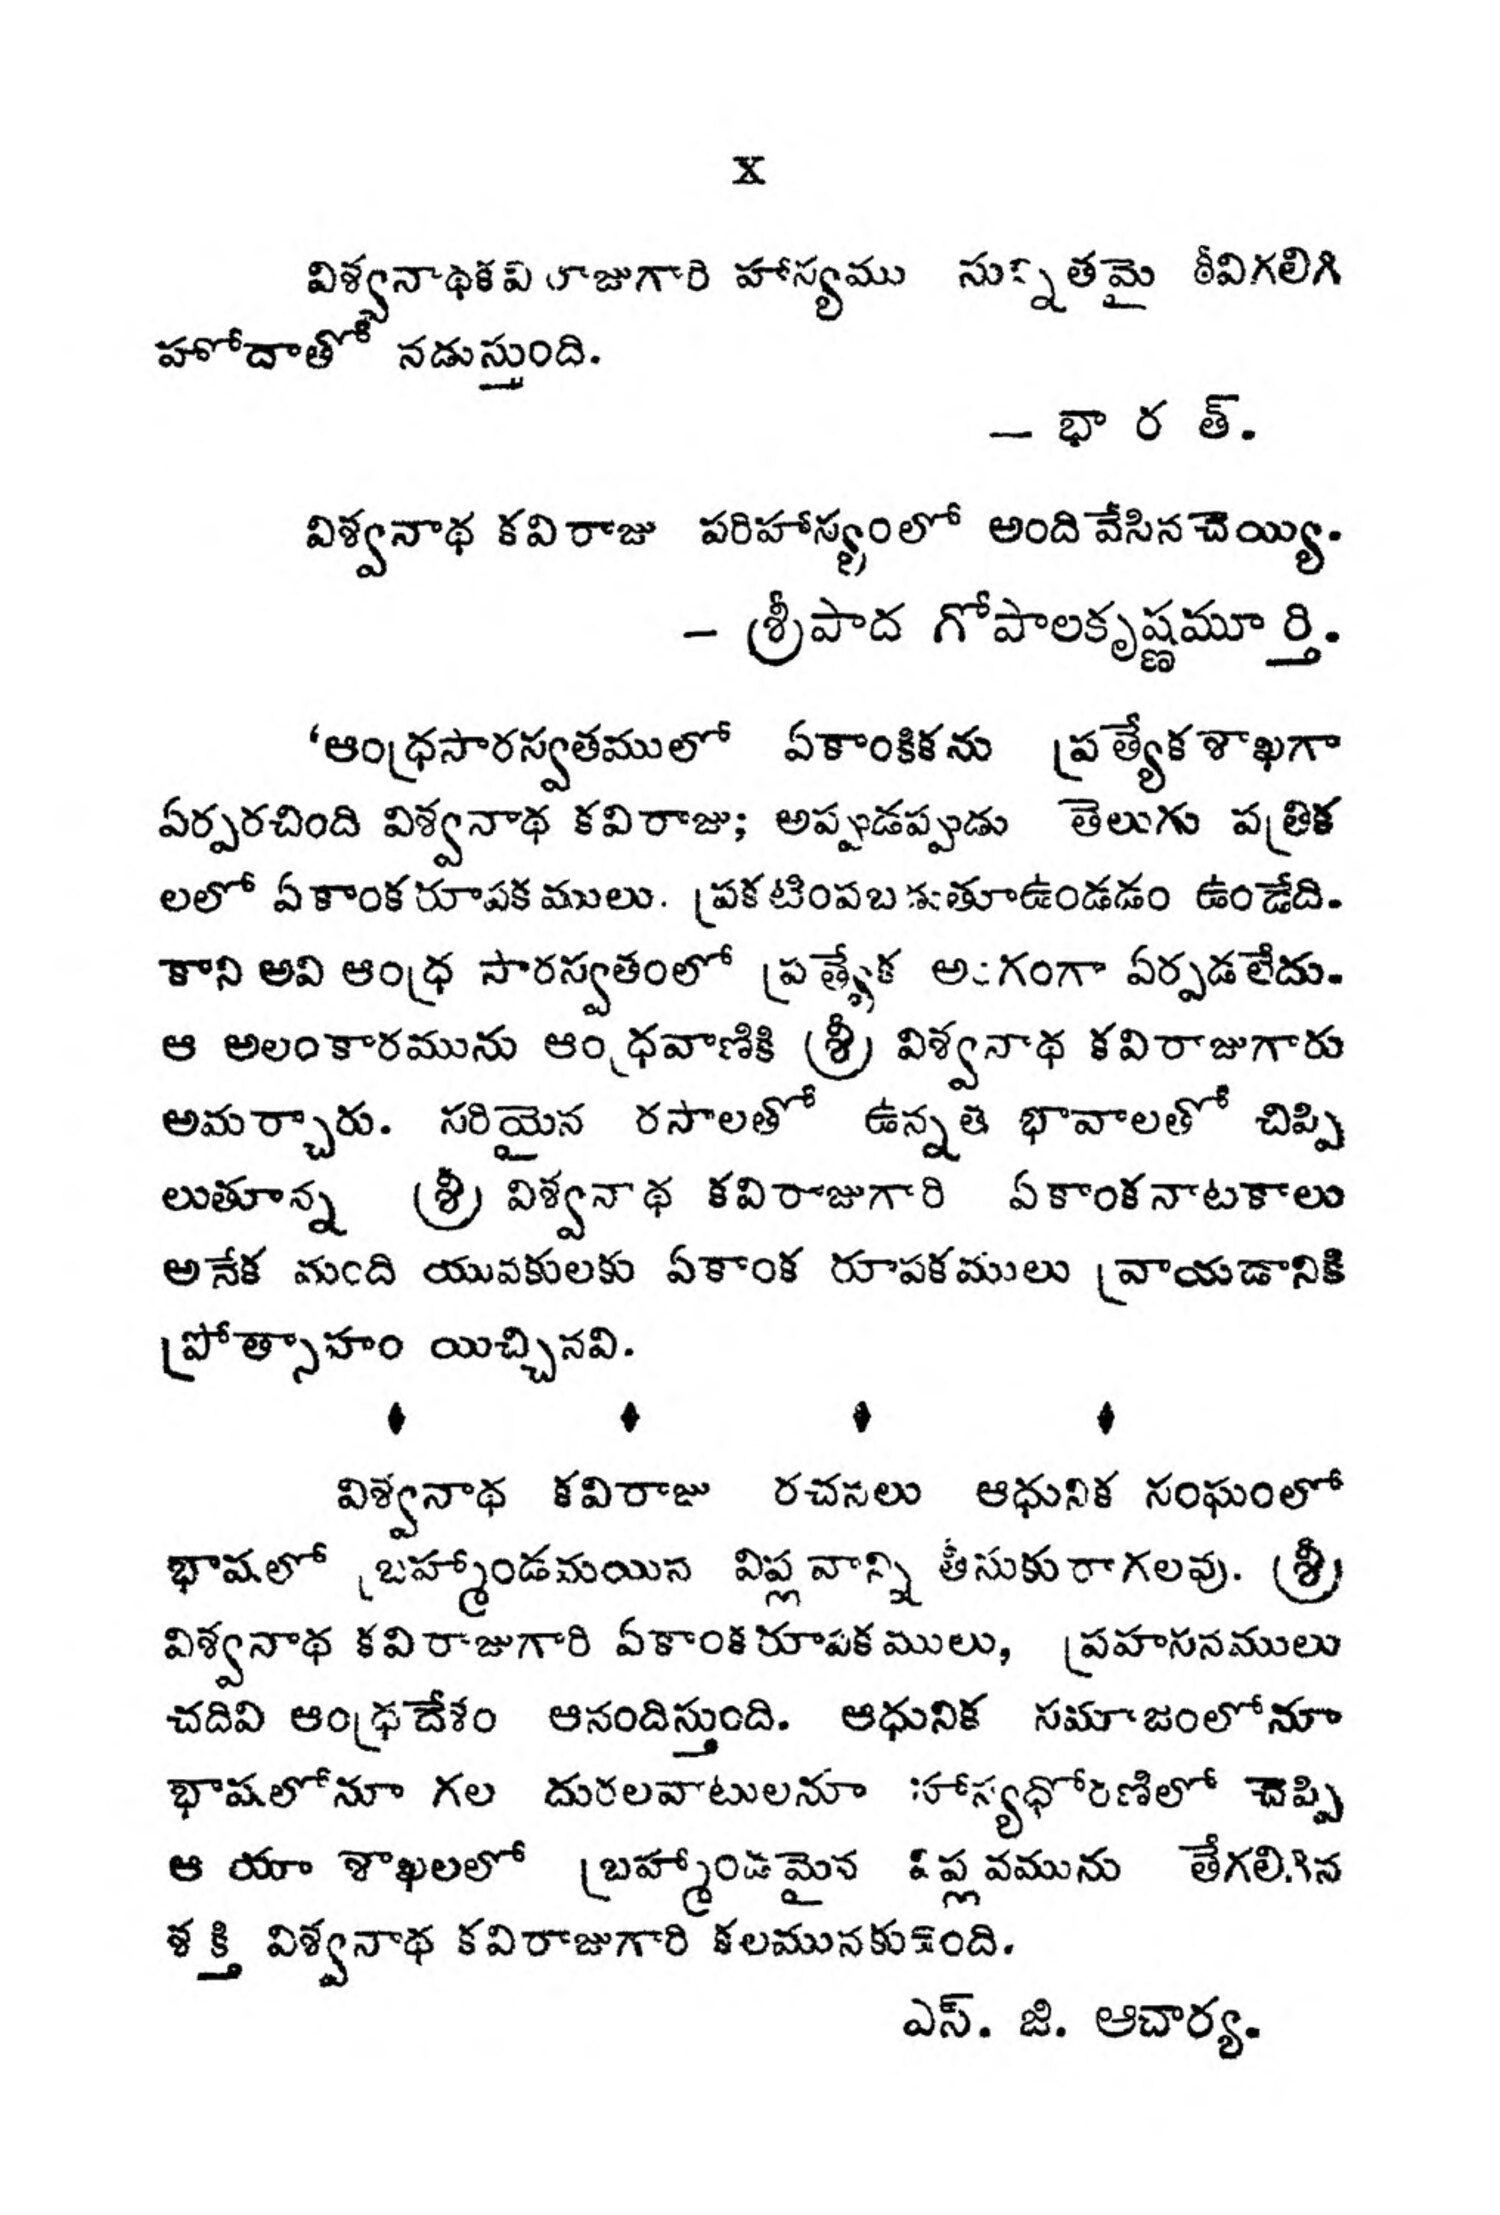విశ్వనాథ కవిరాజుగారి హాస్యము సున్నితమై ఠీవిగలిగి హోదాతో నడుస్తుంది.

విశ్వనాథ కవిరాజు పరిహాస్యంలో అందివేసినచెయ్యి.

'ఆంధ్రసారస్వతములో ఏకాంకికను ప్రత్యేకశాఖగా ఏర్పరచింది విశ్వనాథ కవిరాజు; అప్పుడప్పుడు తెలుగు పత్రికలలో ఏకాంకరూపకములు. ప్రకటింపబడుతూఉండడం ఉండేది. కాని అవి ఆంధ్ర సారస్వతంలో ప్రత్యేక అంగంగా ఏర్పడలేదు. ఆ అలంకారమును ఆంధ్రవాణికి శ్రీ విశ్వనాథ కవిరాజుగారు అమర్చారు. సరియైన రసాలతో ఉన్నతి భావాలతో చిప్పిలుతూన్న శ్రీ విశ్వనాథ కవిరాజుగారి ఏకాంకనాటకాలు అనేక మంది యువకులకు ఏకాంక రూపకములు వ్రాయడానికి ప్రోత్సాహం యిచ్చినవి.

విశ్వనాథ కవిరాజు రచనలు ఆధునిక సంఘంలో భాషలో బ్రహ్మాండమయిన విప్లవాన్ని తీసుకురాగలవు. శ్రీ విశ్వనాథ కవిరాజుగారి ఏకాంకరూపకములు, ప్రహసనములు చదివి ఆంధ్రదేశం ఆనందిస్తుంది. ఆధునిక సమాజంలోనూ
భాషలోనూ గల దురలవాటులనూ హాస్యధోరణిలో చెప్పి ఆ యా శాఖలలో బ్రహ్మాండమైన విప్లవమును తేగలిగిన
శక్తి విశ్వనాథ కవిరాజుగారి కలమునకుఉంది.